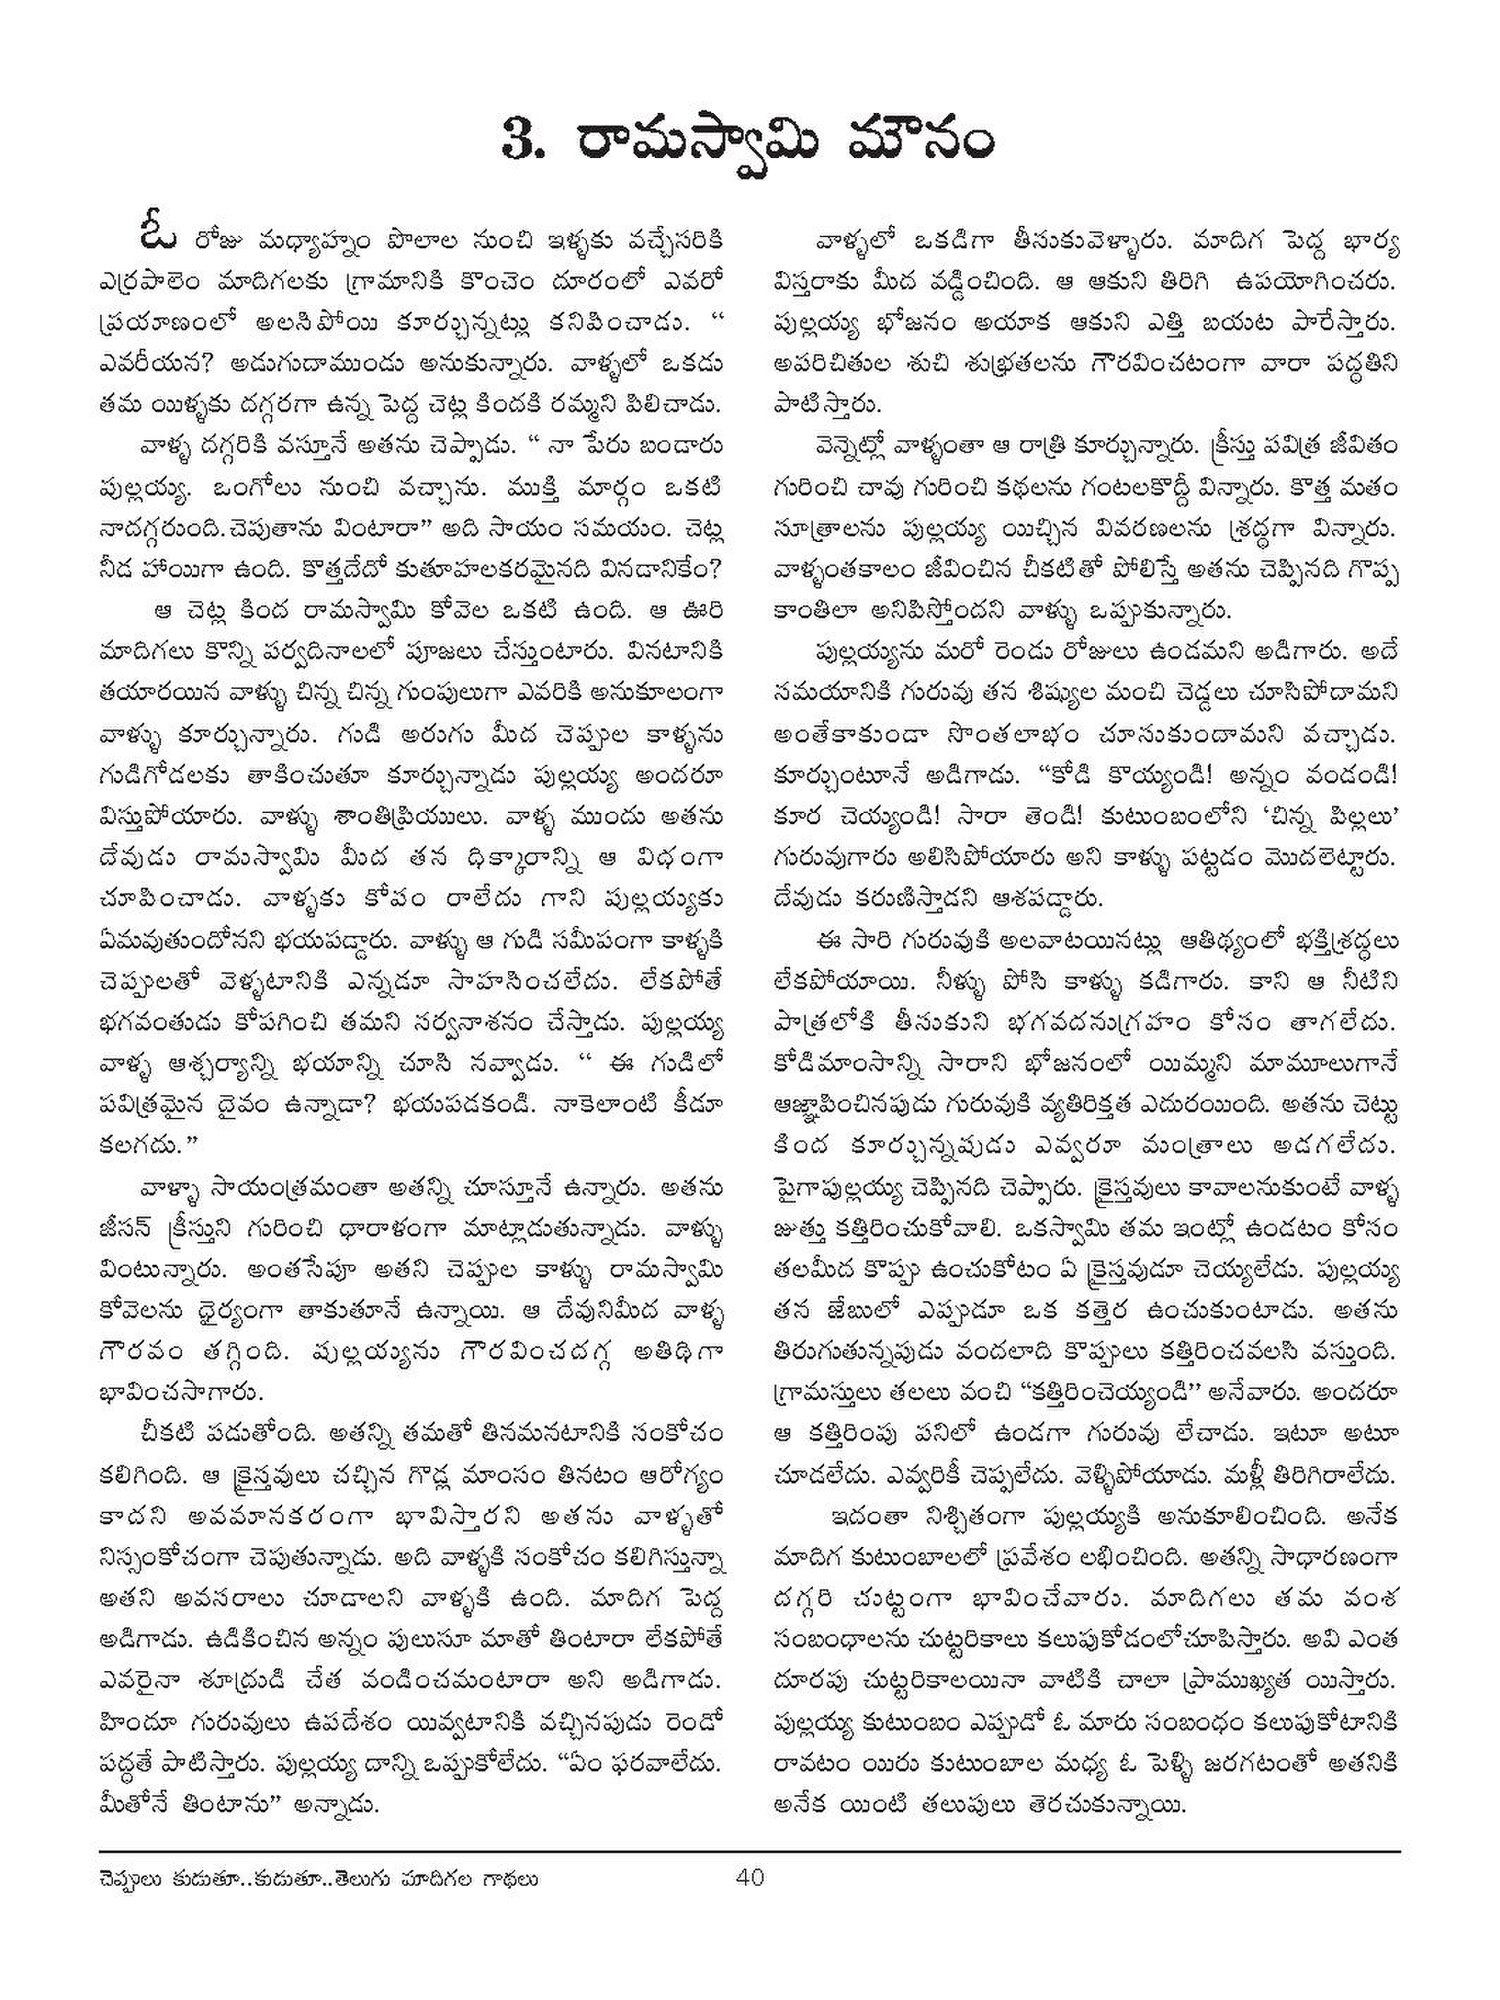3. రామస్వామి మౌనం

 రోజు మధ్యాహ్నం పొలాల నుంచి ఇళ్ళకు వచ్చేసరికి ఎర్రపాలెం మాదిగలకు గ్రామానికి కొంచెం దూరంలో ఎవరో ప్రయాణంలో అలసిపోయి కూర్చున్నట్లు కనిపించాడు. "ఎవరీయన? అడుగుదాముండు అనుకున్నారు. వాళ్ళలో ఒకడు తమ యిళ్ళకు దగ్గరగా ఉన్న పెద్ద చెట్ల కిందకి రమ్మని పిలిచాడు.

వాళ్ళ దగ్గరికి వస్తూనే అతను చెప్పాడు. "నా పేరు బండారు పుల్లయ్య. ఒంగోలు నుంచి వచ్చాను. ముక్తి మార్గం ఒకటి నాదగ్గరుంది. చెపుతాను వింటారా" అది సాయం సమయం. చెట్ల నీడ హాయిగా ఉంది. కొత్తదేదో కుతూహలకరమైనది వినడానికేం?

ఆ చెట్ల కింద రామస్వామి కోవెల ఒకటి ఉంది. ఆ ఊరి మాదిగలు కొన్ని పర్వదినాలలో పూజలు చేస్తుంటారు. వినటానికి తయారయిన వాళ్ళు చిన్న చిన్న గుంపులుగా ఎవరికి అనుకూలంగా వాళ్ళు కూర్చున్నారు. గుడి అరుగు మీద చెప్పుల కాళ్ళను గుడిగోడలకు తాకించుతూ కూర్చున్నాడు పుల్లయ్య అందరూ విస్తుపోయారు. వాళ్ళు శాంతిప్రియులు. వాళ్ళ ముందు అతను దేవుడు రామస్వామి మీద తన ధిక్కారాన్ని ఆ విధంగా చూపించాడు. వాళ్ళకు కోపం రాలేదు గాని పుల్లయ్యకు ఏమవుతుందోనని భయపడ్డారు. వాళ్ళు ఆ గుడి సమీపంగా కాళ్ళకి చెప్పులతో వెళ్ళటానికి ఎన్నడూ సాహసించలేదు. లేకపోతే
భగవంతుడు కోపగించి తమని సర్వనాశనం చేస్తాడు. పుల్లయ్య వాళ్ళ ఆశ్చర్యాన్ని భయాన్ని చూసి నవ్వాడు. "ఈ గుడిలో పవిత్రమైన దైవం ఉన్నాడా? భయపడకండి. నాకెలాంటి కీడూ కలగదు.”

వాళ్ళా సాయంత్రమంతా అతన్ని చూస్తూనే ఉన్నారు. అతను జీసస్ క్రీస్తుని గురించి ధారాళంగా మాట్లాడుతున్నాడు. వాళ్ళు వింటున్నారు. అంతసేపూ అతని చెప్పులు కాళ్ళు రామస్వామి కోవెలను ధైర్యంగా తాకుతూనే ఉన్నాయి. ఆ దేవునిమీద వాళ్ళ గౌరవం తగ్గింది. పుల్లయ్యను గౌరవించదగ్గ అతిథిగా భావించసాగారు.

చీకటి పడుతోంది. అతన్ని తమతో తినమనటానికి సంకోచం కలిగింది. ఆ క్రైస్తవులు చచ్చిన గొడ్ల మాంసం తినటం ఆరోగ్యం కాదని అవమానకరంగా భావిస్తారని అతను వాళ్ళతో నిస్సంకోచంగా చెపుతున్నాడు. అది వాళ్ళకి సంకోచం కలిగిస్తున్నా అతని అవసరాలు చూడాలని వాళ్ళకి ఉంది. మాదిగ పెద్ద అడిగాడు. ఉడికించిన అన్నం పులుసూ మాతో తింటారా లేకపోతే ఎవరైనా శూద్రుడి చేత వండించమంటారా అని అడిగాడు. హిందూ గురువులు ఉపదేశం యివ్వటానికి వచ్చినపుడు రెండో పద్ధతే పాటిస్తారు. పుల్లయ్య దాన్ని ఒప్పుకోలేదు. “ఏం ఫరవాలేదు. మీతోనే తింటాను" అన్నాడు.

వాళ్ళలో ఒకడిగా తీసుకువెళ్ళారు. మాదిగ పెద్ద భార్య విస్తరాకు మీద వడ్డించింది. ఆ ఆకుని తిరిగి ఉపయోగించరు. పుల్లయ్య భోజనం అయాక ఆకుని ఎత్తి బయట పారేస్తారు. అపరిచితుల శుచి శుభ్రతలను గౌరవించటంగా వారా పద్ధతిని పాటిస్తారు.

వెన్నెట్లో వాళ్ళంతా ఆ రాత్రి కూర్చున్నారు. క్రీస్తు పవిత్ర జీవితం గురించి చావు గురించి కథలను గంటలకొద్దీ విన్నారు. కొత్త మతం సూత్రాలను పుల్లయ్య యిచ్చిన వివరణలను శ్రద్ధగా విన్నారు. వాళ్ళంతకాలం జీవించిన చీకటితో పోలిస్తే అతను చెప్పినది గొప్ప కాంతిలా అనిపిస్తోందని వాళ్ళు ఒప్పుకున్నారు.

పుల్లయ్యను మరో రెండు రోజులు ఉండమని అడిగారు. అదే సమయానికి గురువు తన శిష్యుల మంచి చెడ్డలు చూసిపోదామని అంతేకాకుండా సొంతలాభం చూసుకుందామని వచ్చాడు. కూర్చుంటూనే అడిగాడు. "కోడి కొయ్యండి! అన్నం వండండి! కూర చెయ్యండి! సారా తెండి! కుటుంబంలోని 'చిన్న పిల్లలు' గురువుగారు అలిసిపోయారు అని కాళ్ళు పట్టడం మొదలెట్టారు. దేవుడు కరుణిస్తాడని ఆశపడ్డారు.

ఈ సారి గురువుకి అలవాటయినట్లు ఆతిథ్యంలో భక్తిశ్రద్ధలు లేకపోయాయి. నీళ్ళు పోసి కాళ్ళు కడిగారు. కాని ఆ నీటిని పాత్రలోకి తీసుకుని భగవదనుగ్రహం కోసం తాగలేదు. కోడిమాంసాన్ని సారాని భోజనంలో యిమ్మని మామూలుగానే ఆజ్ఞాపించినపుడు గురువుకి వ్యతిరిక్తత ఎదురయింది. అతను చెట్టుకింద కూర్చున్నపుడు ఎవ్వరూ మంత్రాలు అడగలేదు. పైగాపుల్లయ్య చెప్పినది చెప్పారు. క్రైస్తవులు కావాలనుకుంటే వాళ్ళ జుత్తు కత్తిరించుకోవాలి. ఒకస్వామి తమ ఇంట్లో ఉండటం కోసం తలమీద కొప్పు ఉంచుకోటం ఏ క్రైస్తవుడూ చెయ్యలేడు. పుల్లయ్య తన జేబులో ఎప్పుడూ ఒక కత్తెర ఉంచుకుంటాడు. అతను
తిరుగుతున్నపుడు వందలాది కొప్పులు కత్తిరించవలసి వస్తుంది. గ్రామస్తులు తలలు వంచి "కత్తిరించెయ్యండి" అనేవారు. అందరూ ఆ కత్తిరింపు పనిలో ఉండగా గురువు లేచాడు. ఇటూ అటూ
చూడలేదు. ఎవ్వరికీ చెప్పలేదు. వెళ్ళిపోయాడు. మళ్లీ తిరిగిరాలేదు.

ఇదంతా నిశ్చితంగా పుల్లయ్యకి అనుకూలించింది. అనేక మాదిగ కుటుంబాలలో ప్రవేశం లభించింది. అతన్ని సాధారణంగా దగ్గరి చుట్టంగా భావించేవారు. మాదిగలు తమ వంశ సంబంధాలను చుట్టరికాలు కలుపుకోడంలో చూపిస్తారు. అవి ఎంత దూరపు చుట్టరికాలయినా వాటికి చాలా ప్రాముఖ్యత యిస్తారు.
పుల్లయ్య కుటుంబం ఎప్పుడో ఓ మారు సంబంధం కలుపుకోటానికి రావటం యిరు కుటుంబాల మధ్య ఓ పెళ్ళి జరగటంతో అతనికి అనేక యింటి తలుపులు తెరచుకున్నాయి.